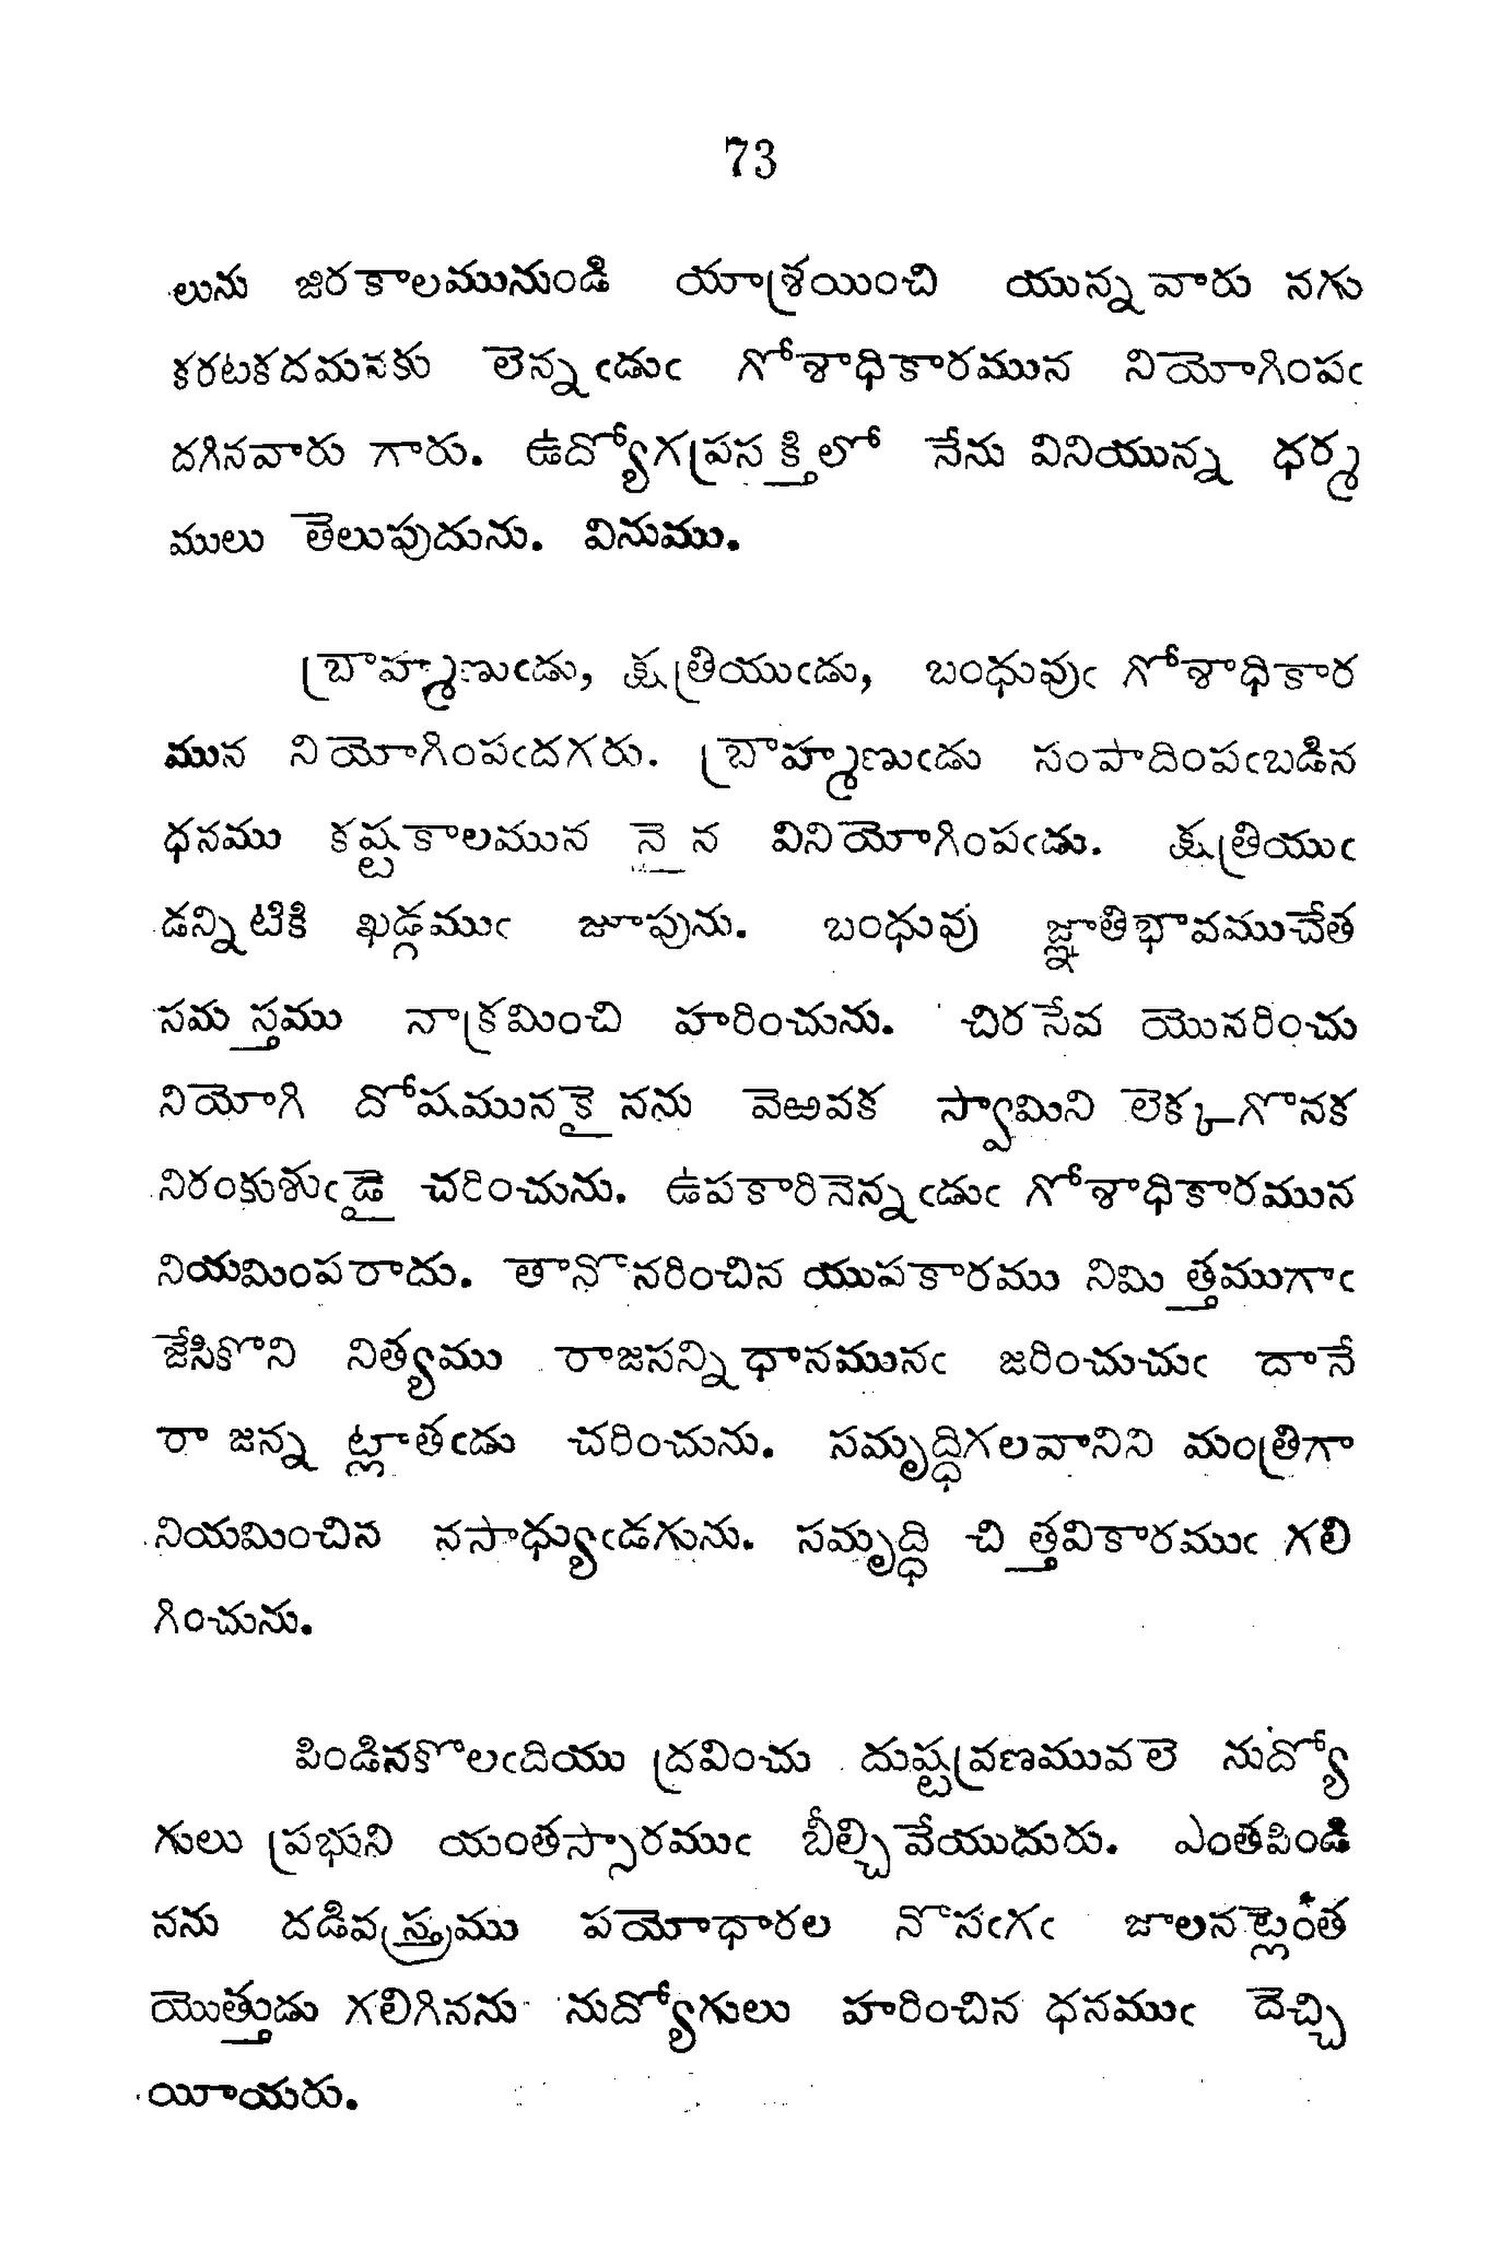లును జిరకాలమునుండి యాశ్రయించి యున్నవారు నగు కరటకదమనకు లెన్నడు గోశాధికారమున నియోగింప దగినవారు గారు. ఉద్యోగప్రసక్తిలో నేను వినియున్న ధర్మములు తెలుపుదును. వినుము.

బ్రాహ్మణుడు క్షత్రియుడు, బంధువు గోశాధికారమున నియోగింపదగరు. బ్రాహ్మణుడు సంపాదింపబడిన ధనము కష్టకాలమున నైన వినియోగింపడు. క్షత్రియు డన్నిటికి ఖడ్గము జూపును. బంధువు జ్ఞాతిభావముచేత సమస్తము నాక్రమించి హరించును. చిరసేవ యొనరించు నియోగి దోషమునకైనను వెఱవక స్వామిని లెక్కగొనక నిరంకుశుడై చరించును. ఉపకారినెన్నడు గోశాధికారమున నియమింపరాదు. తానొనరించిన యుపకారము నిమిత్తముగా జేసికొని నిత్యము రాజసన్నిధానమున జరించుచు దానే రా జన్న ట్లాతడు చరించును. సమృద్ధిగలవానిని మంత్రిగా నియమించిన నసాధ్యుడగును. సమృద్ధి చిత్తవికారము గలిగించును.

పిండినకొలదియు ద్రవించు దుష్టవ్రణమువలె నుద్యోగులు ప్రభుని యంతస్సారము బీల్చివేయుదురు. ఎంతపిండినను దడివస్త్రము పయోధారల నొసగ జాలనట్లెంత యొత్తుడు గలిగినను నుద్యోగులు హరించిన ధనము దెచ్చి యీయరు.